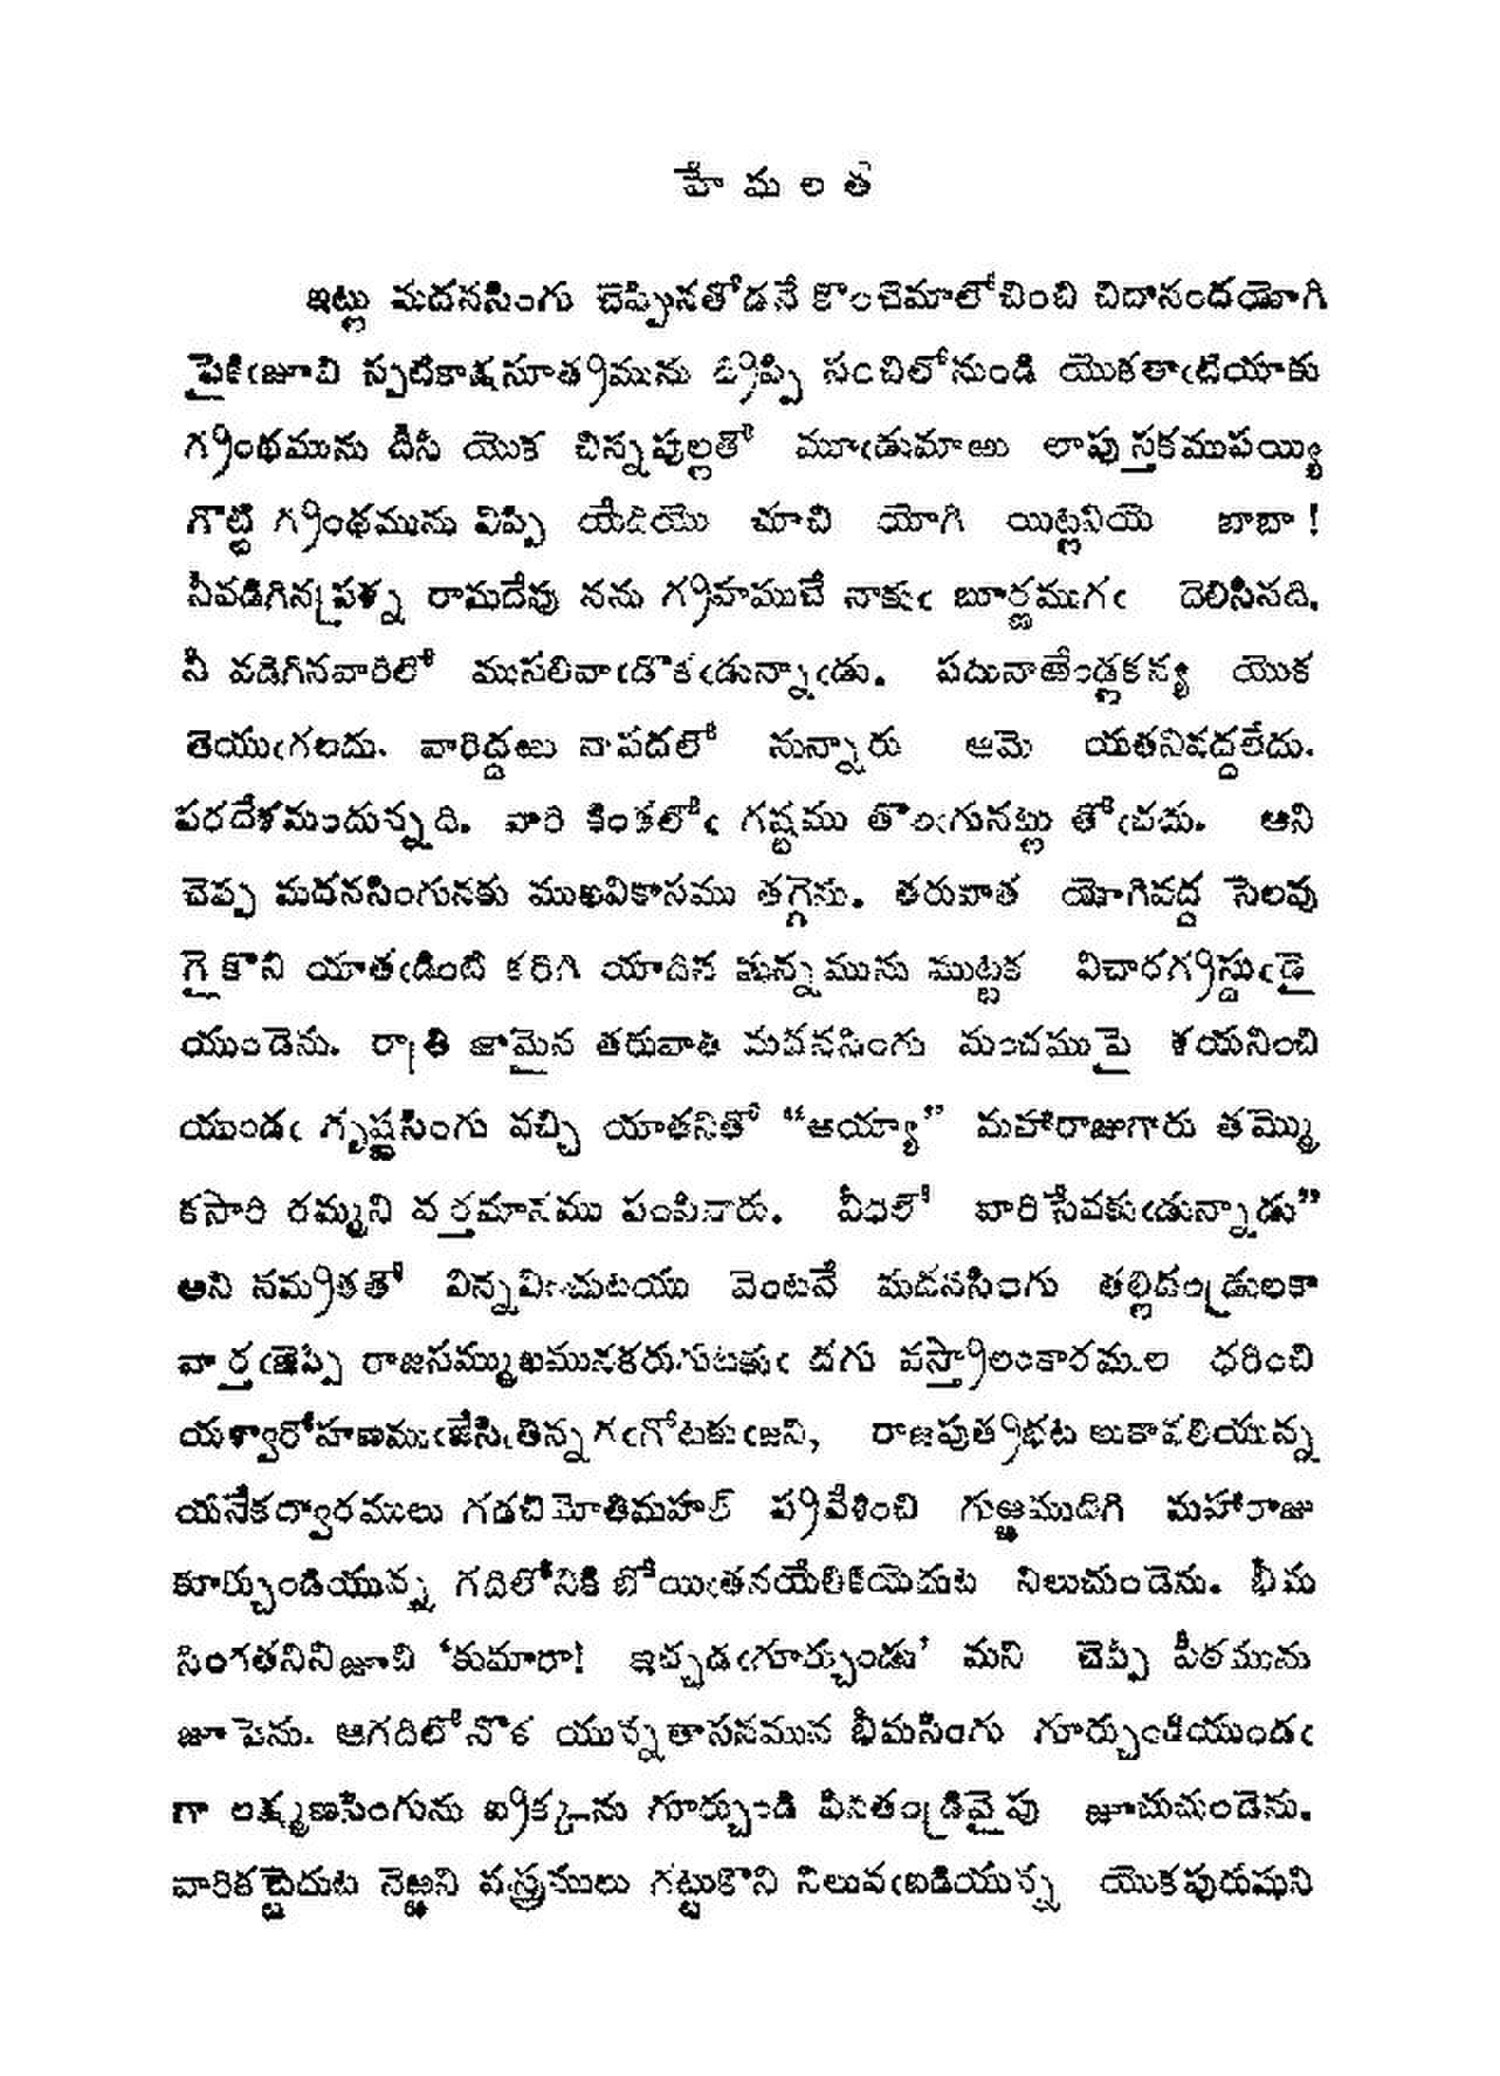ఇట్లు మదనసింగు చెప్పినతోడనే కొంచెమాలోచించి చిదానందయోగి పైకిఁజూచి స్పటికాక్షసూత్రమును ద్రిప్పి సంచిలోనుండి యొకతాఁటియాకు గ్రంథమును దీసి యొక చిన్నపుల్లతో మూఁడుమాఱు లాపుస్తకముపయ్యి గొట్టి గ్రంథమును విప్పి యేదియో చూచి యోగి యిట్లనియె బాబా! నీవడిగినప్రశ్న రామదేవు నను గ్రహముచే నాకుఁ బూర్ణముగఁ దెలిసినది. నీ వడిగినవారిలో ముసలివాఁడొకఁడున్నాఁడు. పదునాఱేండ్లకన్య యొకతెయుఁగలదు. వారిద్దఱు ఆపదలో నున్నారు. ఆమె యతనివద్దలేదు. పరదేశమందున్నది. వారి కింతలోఁగష్టము తొలగునట్లు తోఁచదు. అనిచెప్ప మదనసింగునకు ముఖవికాసముతగ్గెను. తరువాత యోగివద్ద సెలవుగైకొని యాతడింటికరిగి యాదిన మన్నము ముట్టక విచారగ్రస్తుఁడై యుండెను. రాత్రి జామైనతరువాత మదనసింగు మంచముపై శయనించి యుండఁ గృష్ణసింగు వచ్చి యాతనితో “అయ్యా” మహారాజుగారు తమ్మొకసారి రమ్మని వర్తమానము పంపినారు. వీధిలో వారిసేవకుఁడున్నాడు” అని నమ్రతతో విన్నవించుటయు వెంటనే మదనసింగు తల్లిదండ్రులకావార్తజెప్పి రాజసమ్ముఖమునకరుగుటకుఁ దగు వస్త్రాలంకారముల ధరించి యశ్వారోహణముజేసి తిన్నగఁగోటకుఁజని, రాజపుత్రభటులుకావలియున్న యనేక ద్వారములు గడిచి మోతీమహల్ ప్రవేశించి గుఱ్ఱముదిగి మహారాజు కూర్చుండియున్న గదిలోనికి బోయిఁతనయేలికయెదుట నిలుచుండెను. భీమసింగతనిజూచి ‘కుమారా! ఇచ్చటఁగూర్చుండు’ మని చెప్పి పీఠమునుజూపెను. ఆగదిలోనొక యున్నతాసనమున భీమసింగు గూర్చుండియుండగా లక్ష్మణసింగును బ్రక్కను గూర్చుండి పినతండ్రివైపు జూచుచుండెను. వారికట్టెదుట నెఱ్ఱని వస్త్రములు గట్టుకొని నిలువఁబడియున్న యొకపురుషుని